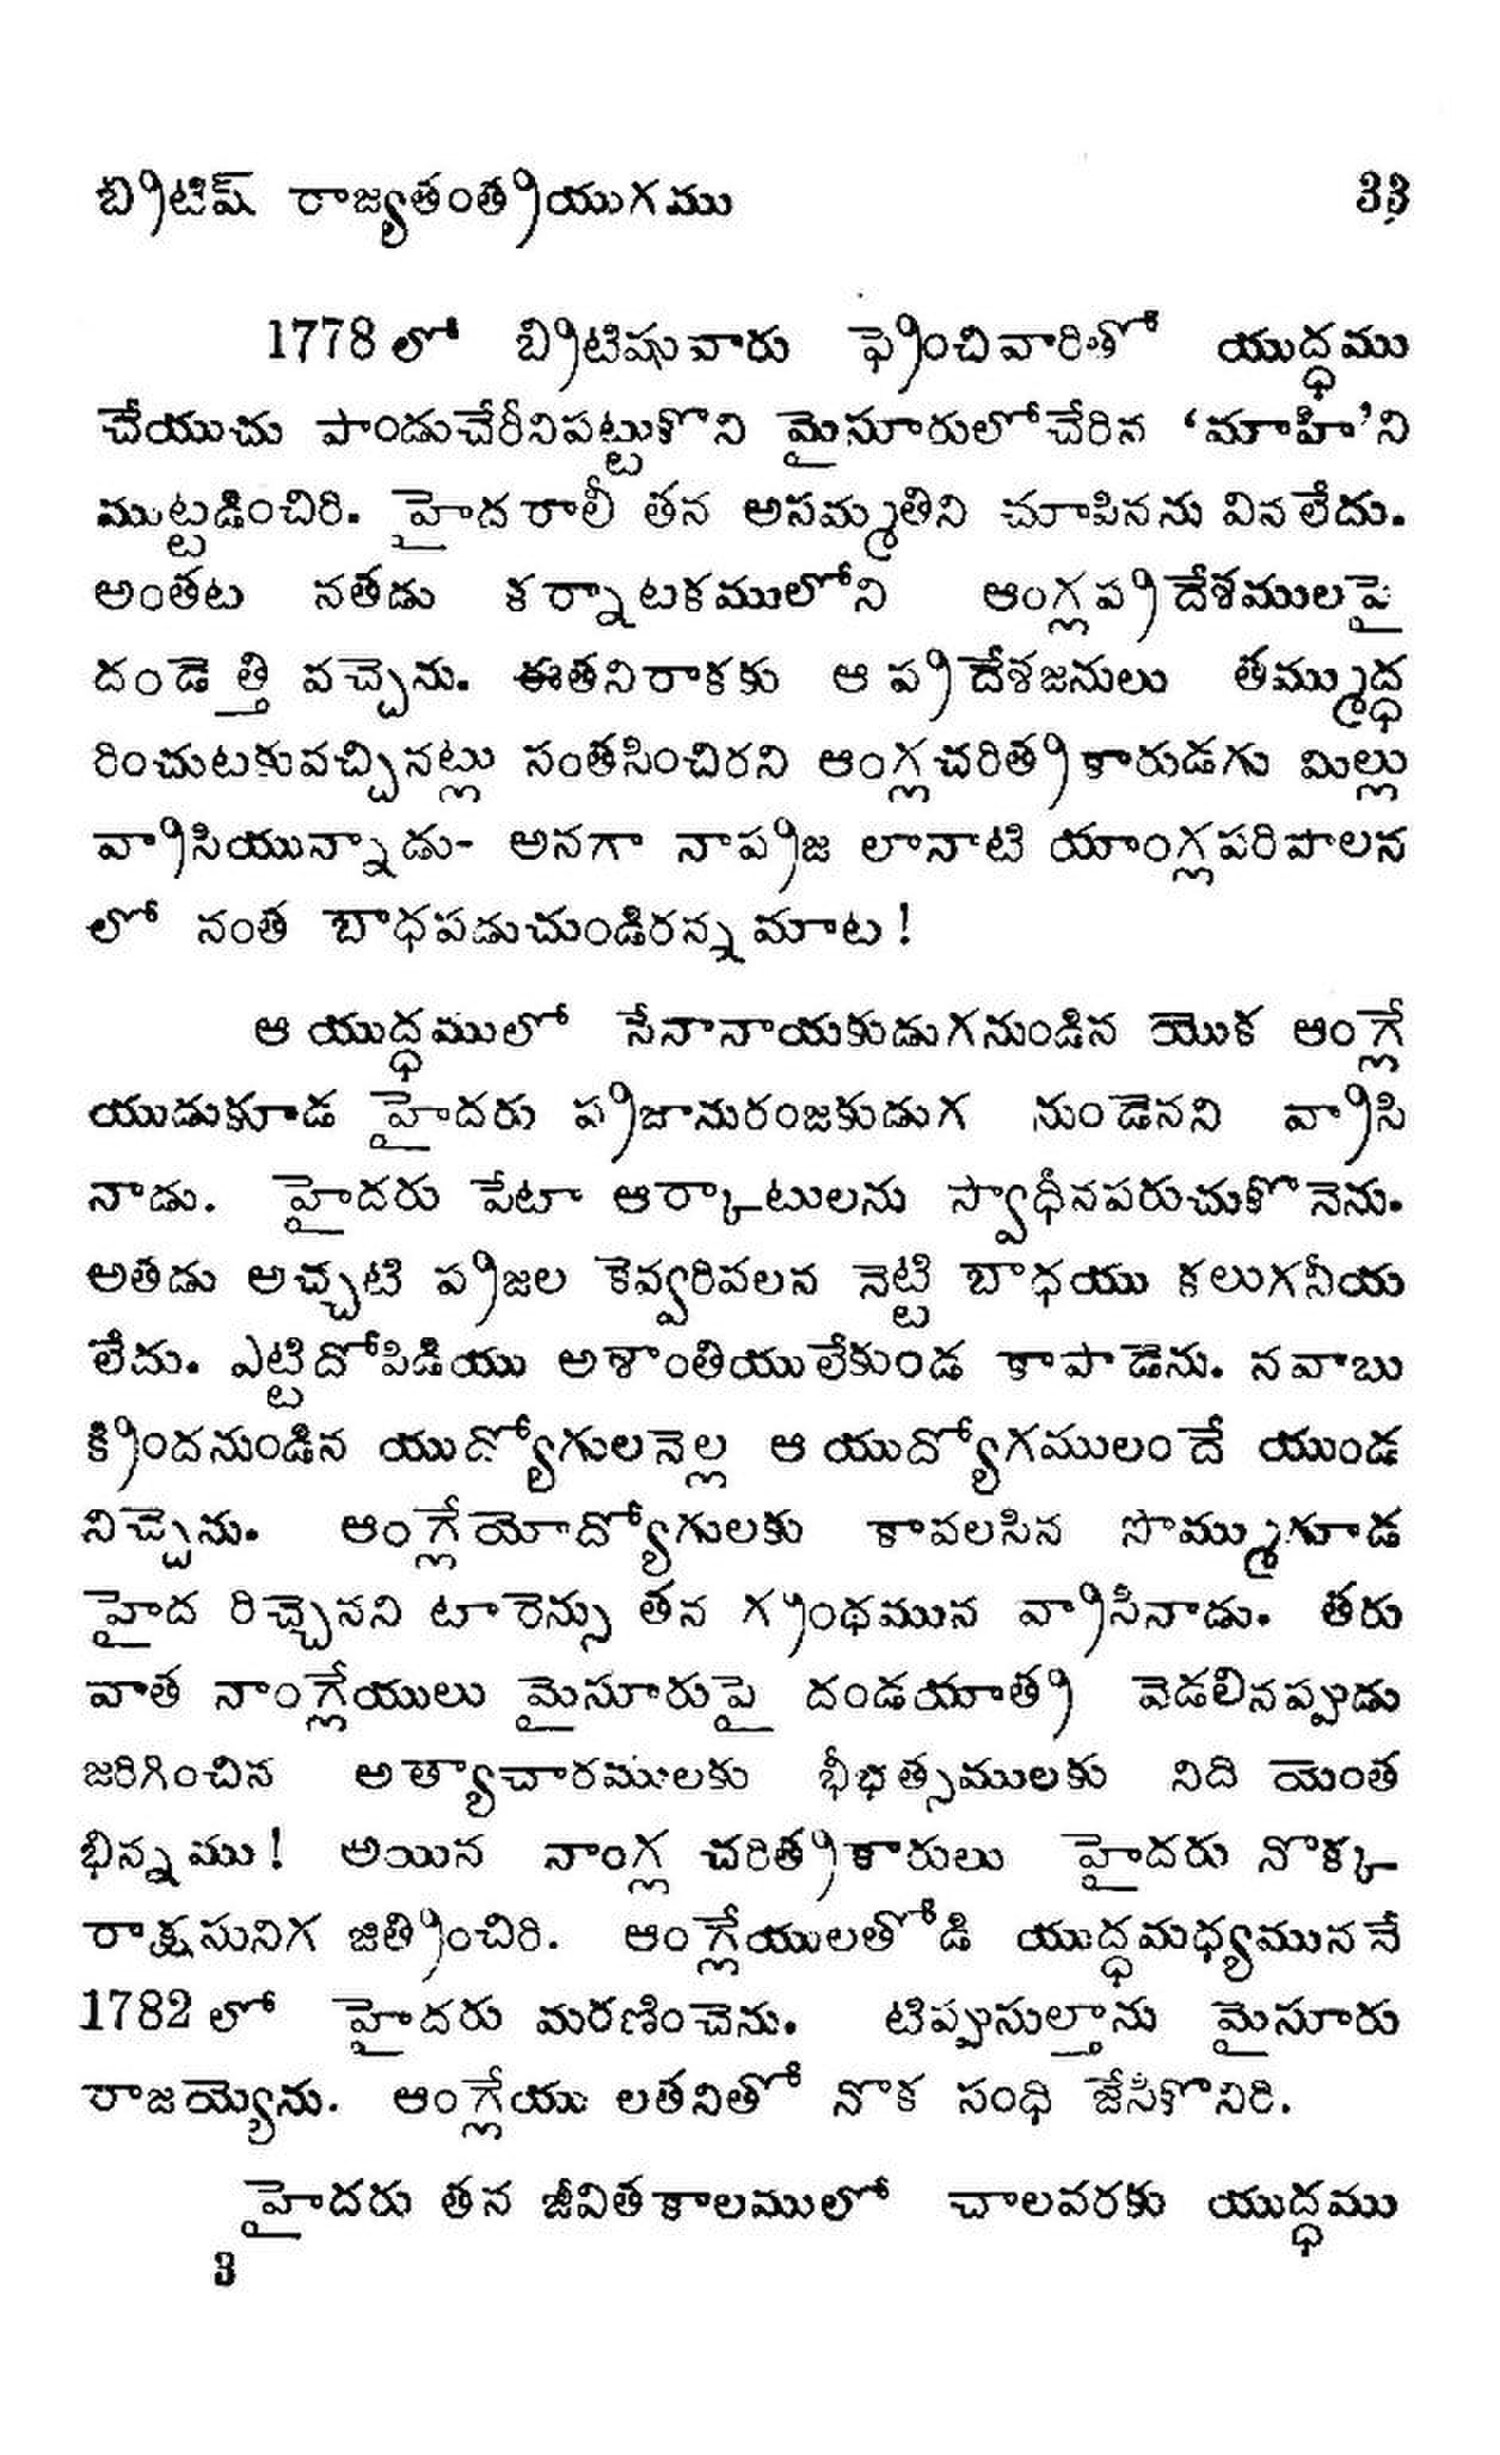1778 లో బ్రిటిషువారు ఫ్రెంచివారితో యుద్ధముచేయుచు పాండుచేరీనిపట్టుకొని మైసూరులోచేరిన 'మాహి'ని ముట్టడించిరి. హైదరాలీ తన అసమ్మతిని చూపినను వినలేదు. అంతట నతడు కర్నాటకములోని ఆంగ్లప్రదేశములపై దండెత్తి వచ్చెను. ఈతని రాకకు ఆప్రదేశజనులు తమ్ముద్దరించుటకువచ్చినట్లు సంతసించిరని ఆంగ్లచరిత్రకారుడగు మిల్లు వ్రాసియున్నాడు. అనగా నాప్రజ లానాటి యాంగ్లపరిపాలనలో నంత బాధపడుచుండిరన్న మాట!

ఆ యుద్ధములో సేనానాయకుడుగనుండిన యొక ఆంగ్లేయుడుకూడ హైదరు ప్రజానురంజకుడుగ నుండెనని వ్రాసినాడు. హైదరు పేటా ఆర్కాటులను స్వాధీనపరుచుకొనెను. అతడు అచ్చటి ప్రజల కెవ్వరివలన నెట్టి బాధయు కలుగనీయ లేదు. ఎట్టిదోపిడియు అశాంతియులేకుండ కాపాడెను. నవాబు క్రిందనుండిన యుద్యోగులనెల్ల ఆ యుద్యోగములందే యుండనిచ్చెను. ఆంగ్లేయోద్యోగులకు కావలసిన సొమ్ముగూడ హైద రిచ్చెనని టారెన్సు తన గ్రంథమున వ్రాసినాడు. తరువాత నాంగ్లేయులు మైసూరుపై దండయాత్ర వెడలినప్పుడు జరిగించిన అత్యాచారములకు భీభత్సములకు నిది యెంతభిన్నము! అయిన నాంగ్ల చరిత్రకారులు హైదరు నొక్క రాక్షసునిగ జిత్రించిరి. ఆంగ్లేయులతోడి యుద్ధమధ్యముననే 1782 లో హైదరు మరణించెను. టిప్పుసుల్తాను మైసూరు రాజయ్యెను. ఆంగ్లేయు లతనితో నొక సంధి జేసికొనిరి.

హైదరు తన జీవిత కాలములో చాలవరకు యుద్ధము